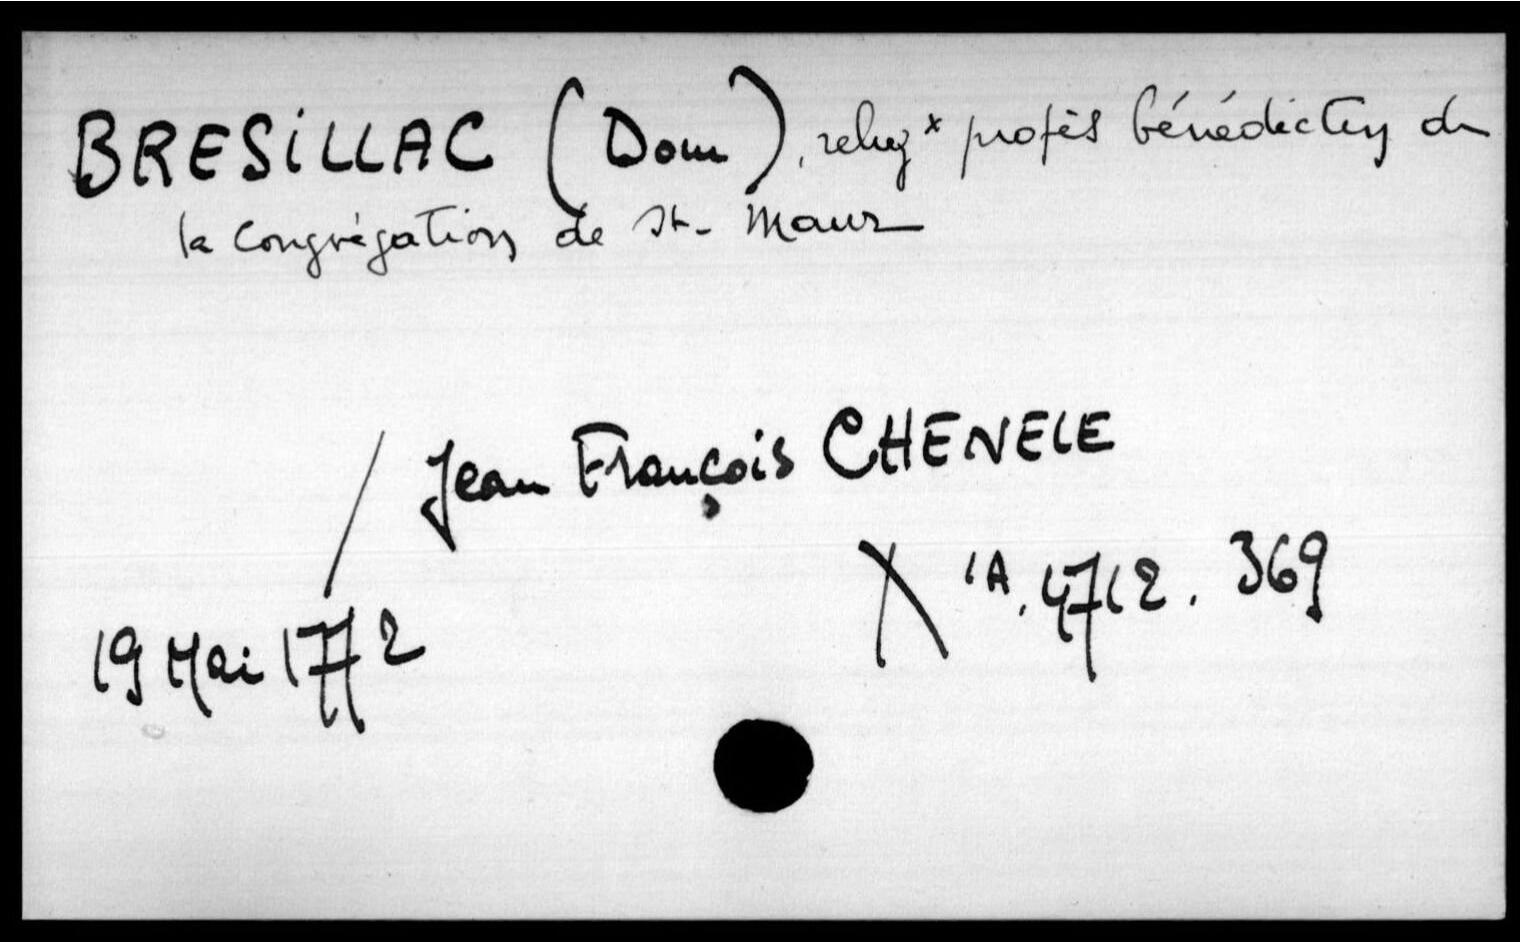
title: BRESILLAC (Dom), religieux, professeur bénédictin de la congrégation de Saint-Maur
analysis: Contre Jean François CHENELE
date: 19 mai 1772
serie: X1A
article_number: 4712
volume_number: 369
